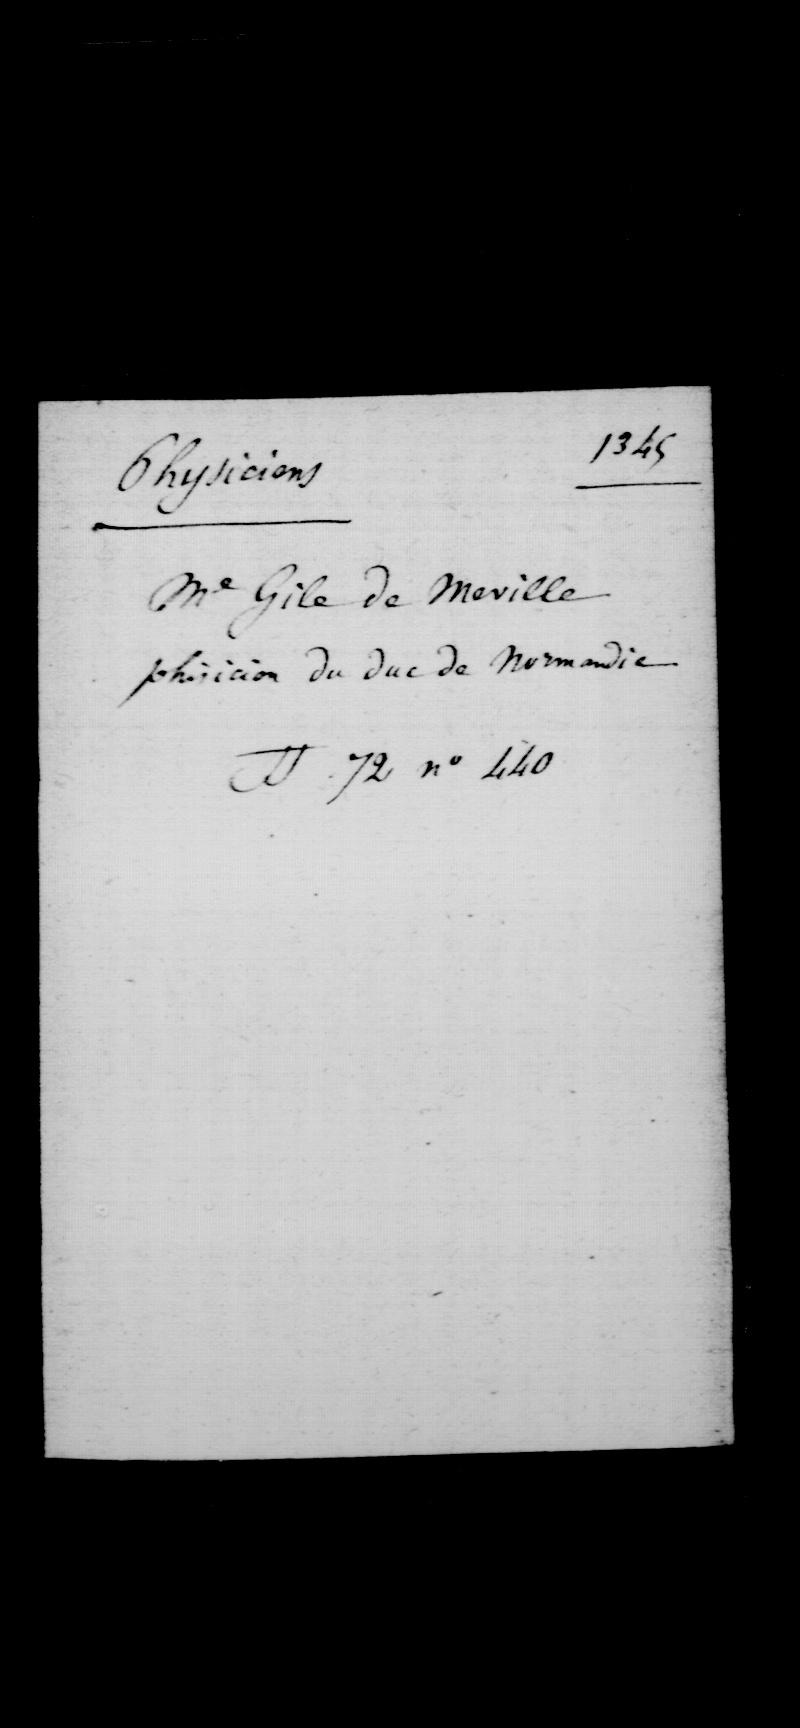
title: Physiciens
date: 1345
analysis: Maître Gile de Meville physicien du duc de Normandie
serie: JJ
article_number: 72
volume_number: n° 440
